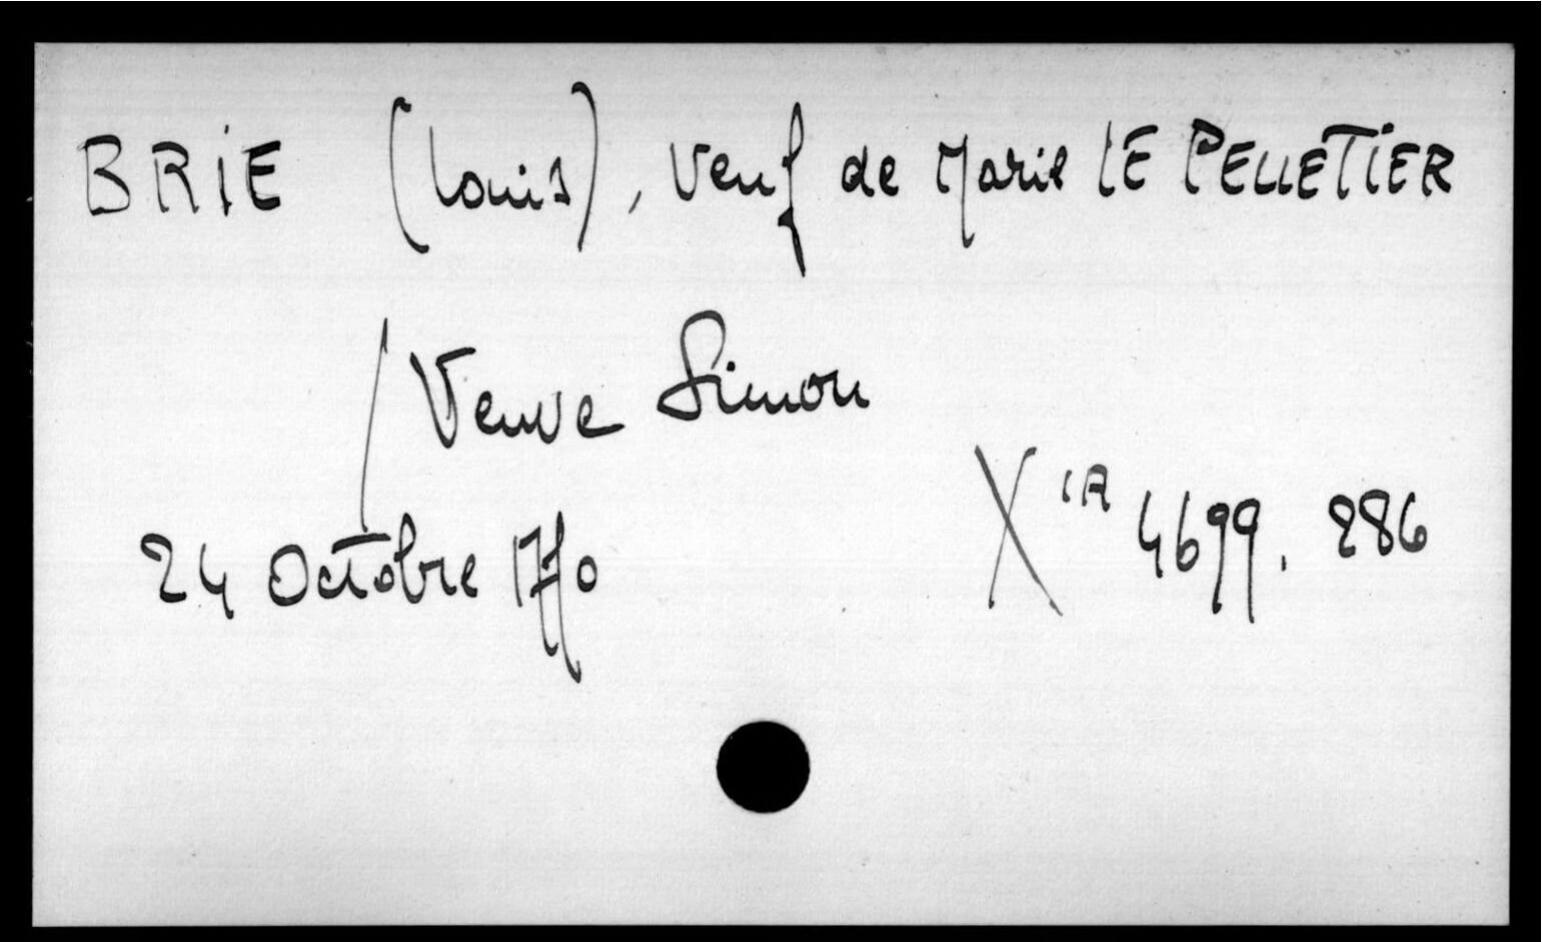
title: BRIE (Louis), Veuf de Marie LE PELLETIER
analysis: Contre Veuve Simon
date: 24 octobre 1770
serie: X1A
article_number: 4699
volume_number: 286
